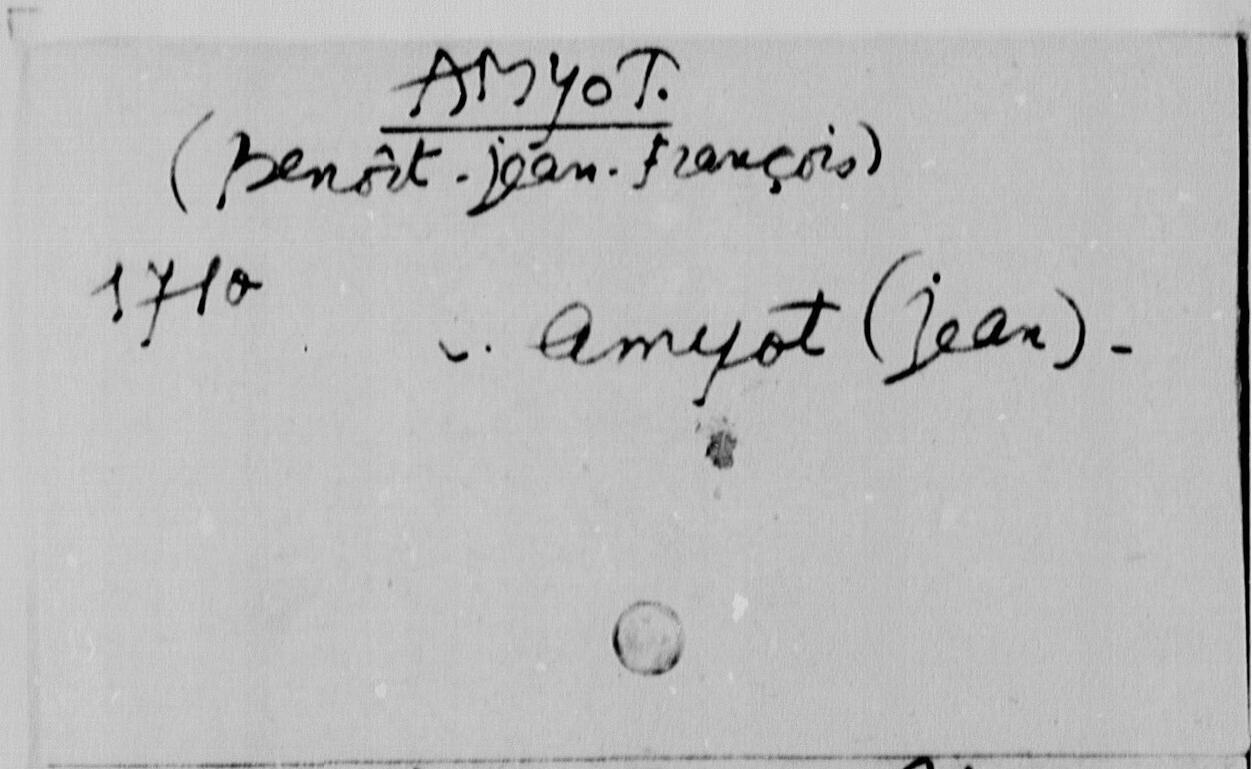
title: AMYOT (Benoît-Jean-François)
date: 1710
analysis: Voir AMYOT (Jean)
